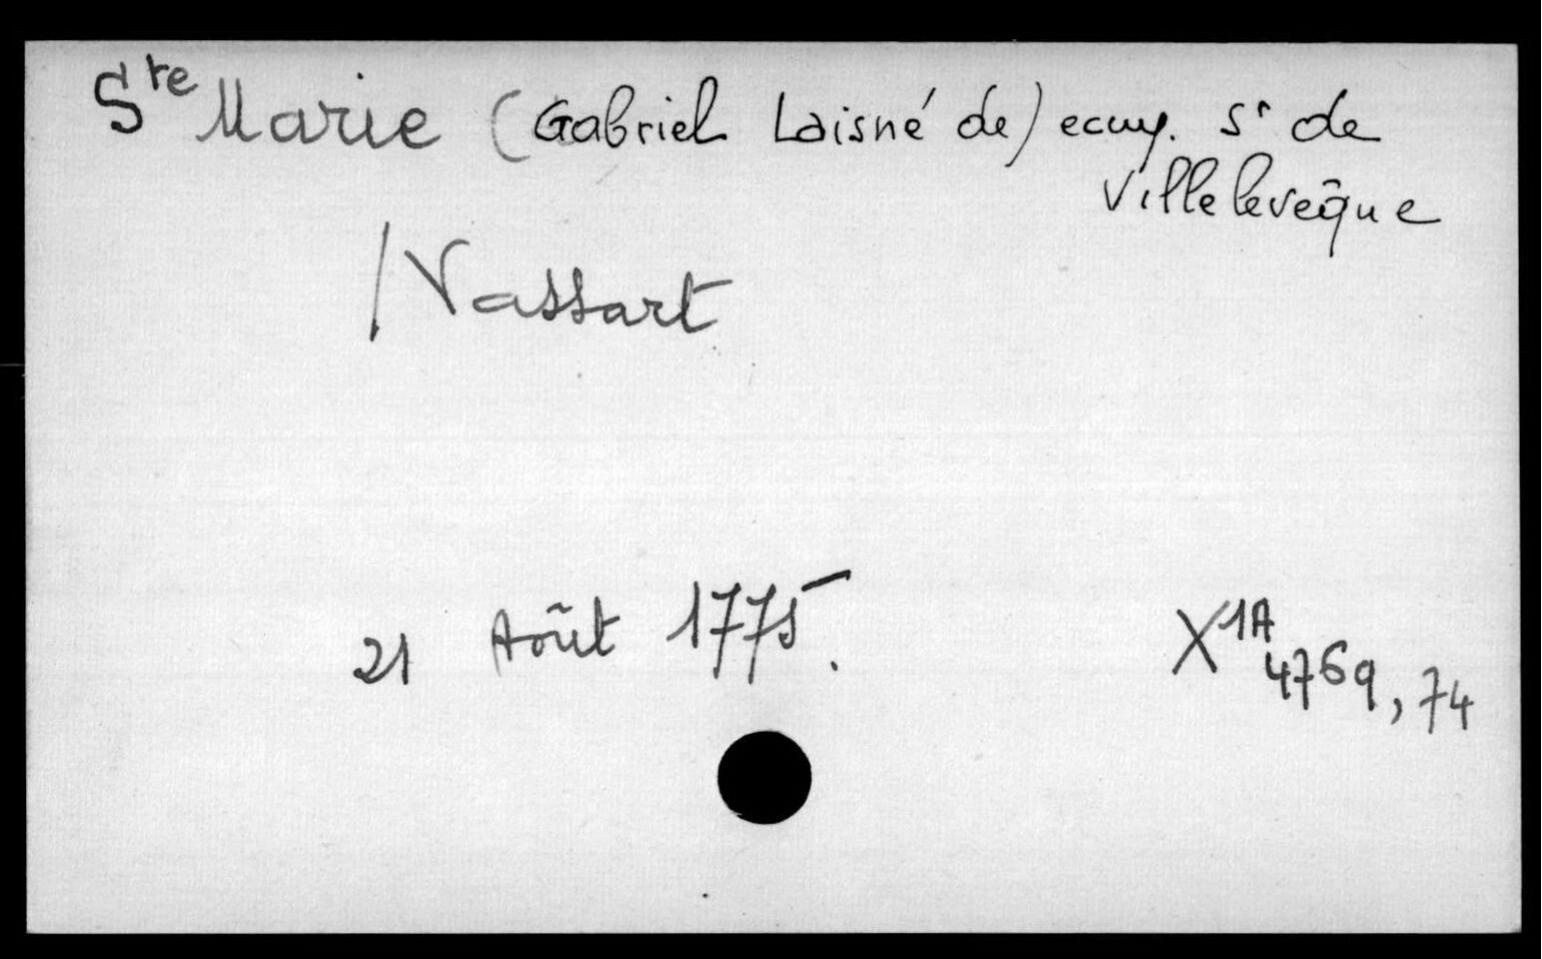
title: SAINTE-Marie (Gabriel Laisné de) ecuyer sieur de Ville l'Éveque
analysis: Contre Vassart
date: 21 août 1775
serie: X1A
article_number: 4769
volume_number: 74
